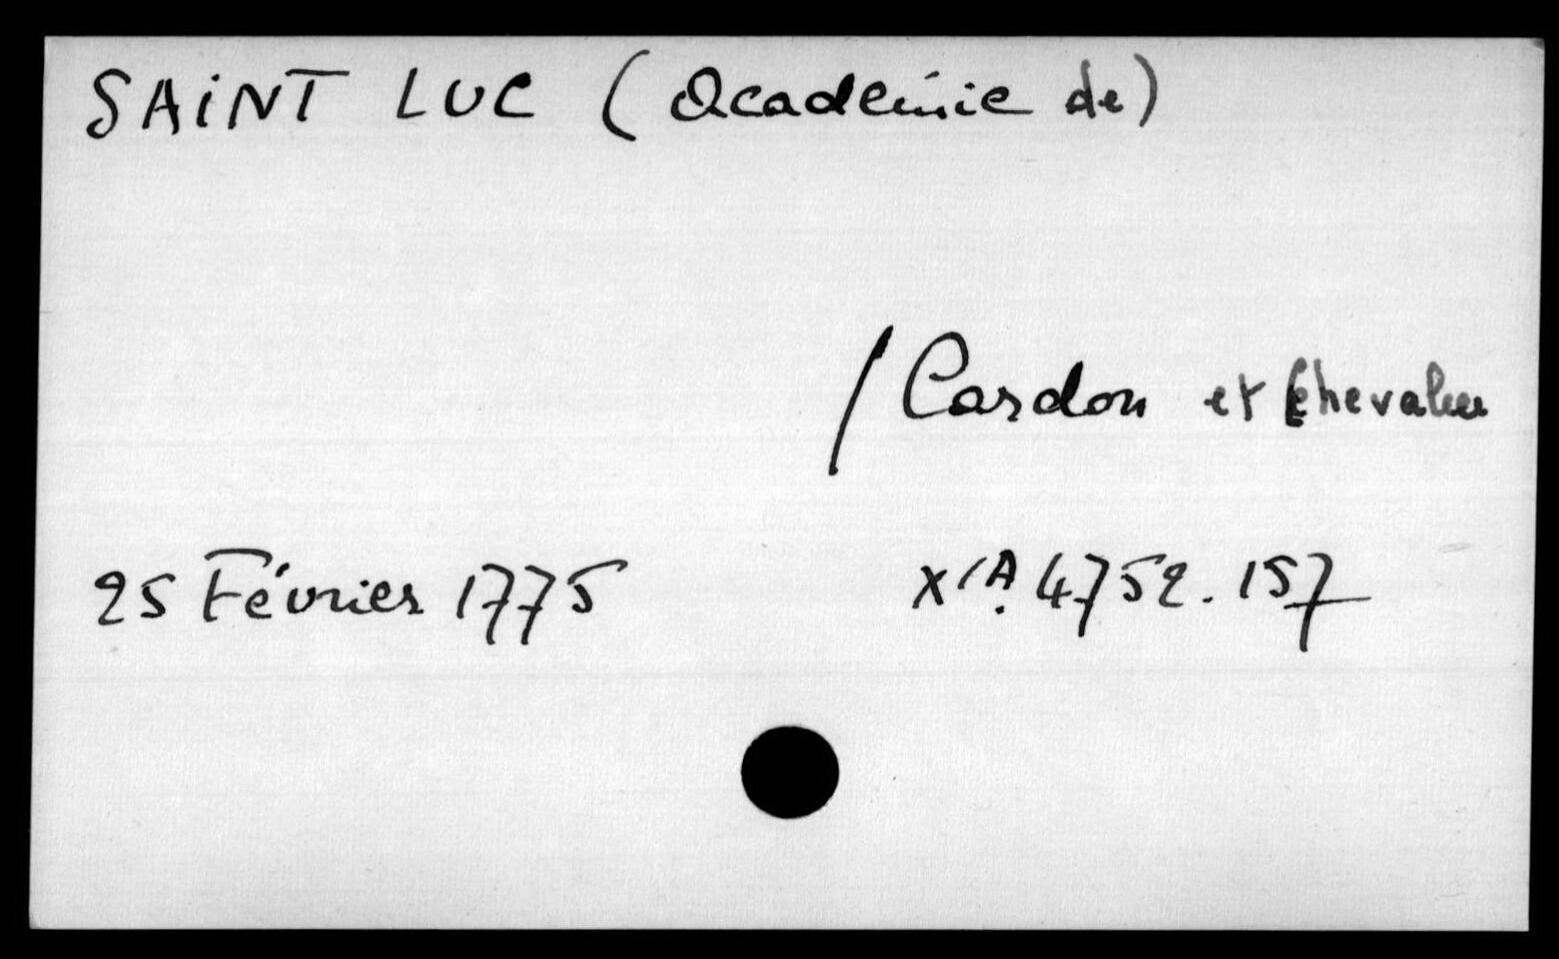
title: SAINT LUC (Academie de)
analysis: Contre Cardon et Chevalier
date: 25 février 1775
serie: X1A
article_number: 4752
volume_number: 157
